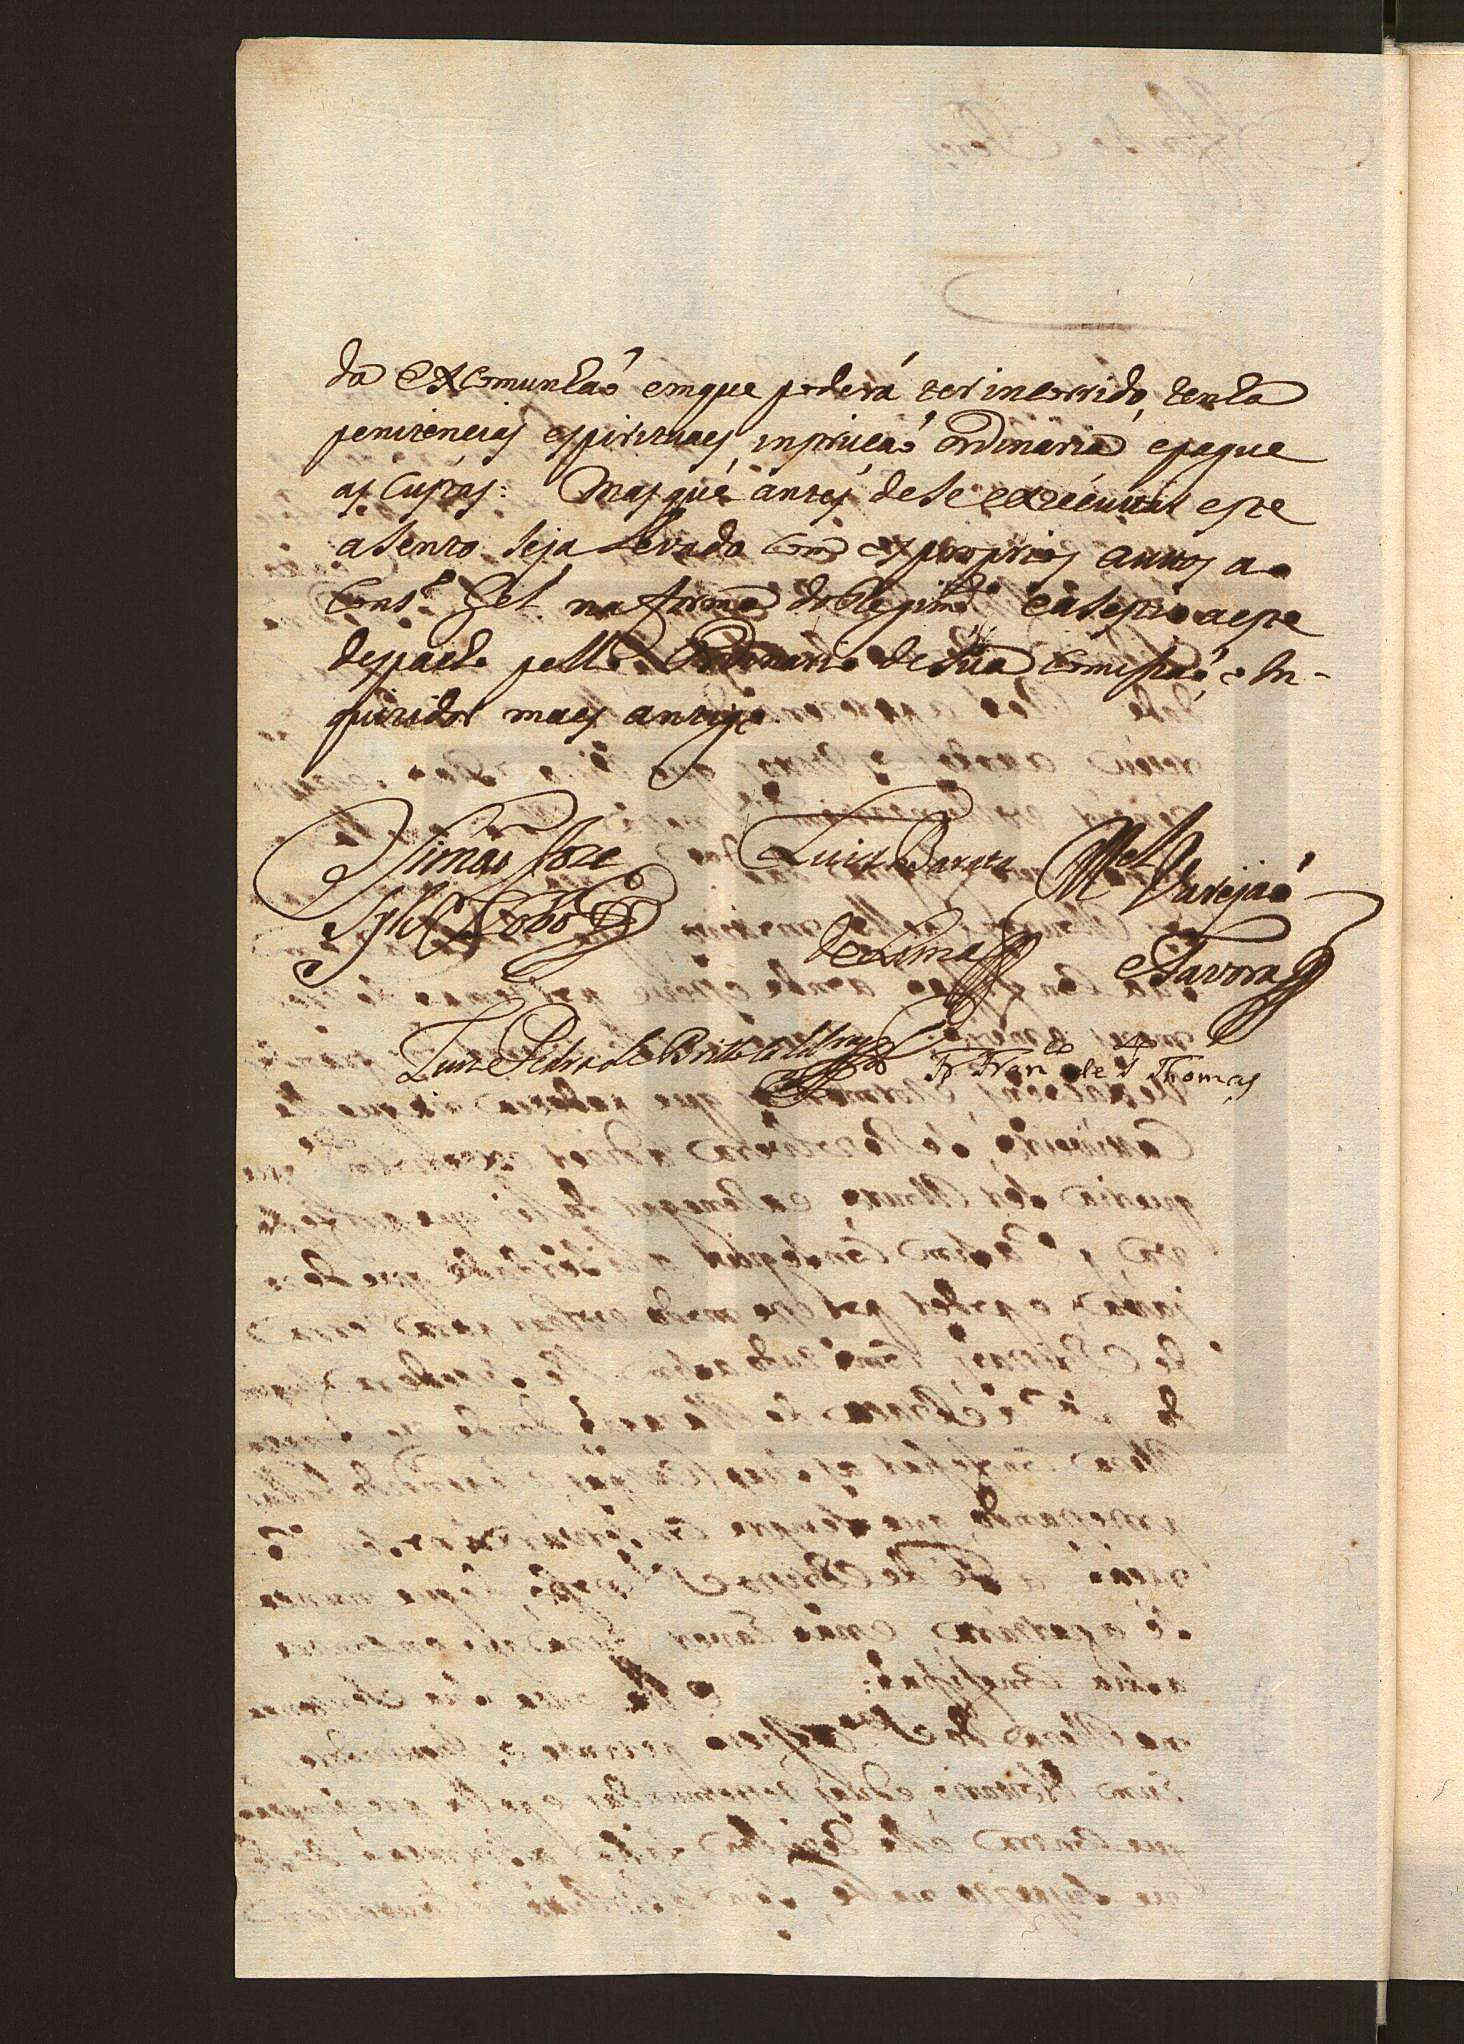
da excomunhaõ em que poderá ter incorrido, tenha
penitencias espirituaes, instruçaõ ordinaria, e pague
as Custas: mas que antes de se exzecuttar este
asento seja Levado com os proprios auttos ao
Cons.o Gel. na forma do Regim.to, e asestio a este
despacho pello Ordinario de sua Comissaõ, o In
quizidor maes antigo.
Simaõ Joze
Sylvr Lobo
Luiz Barata
de Lima
M.el Varejaõ
e Tavora
Luiz Pedro de Britto Caldra
Fr Fran.co de Sto Thomas
